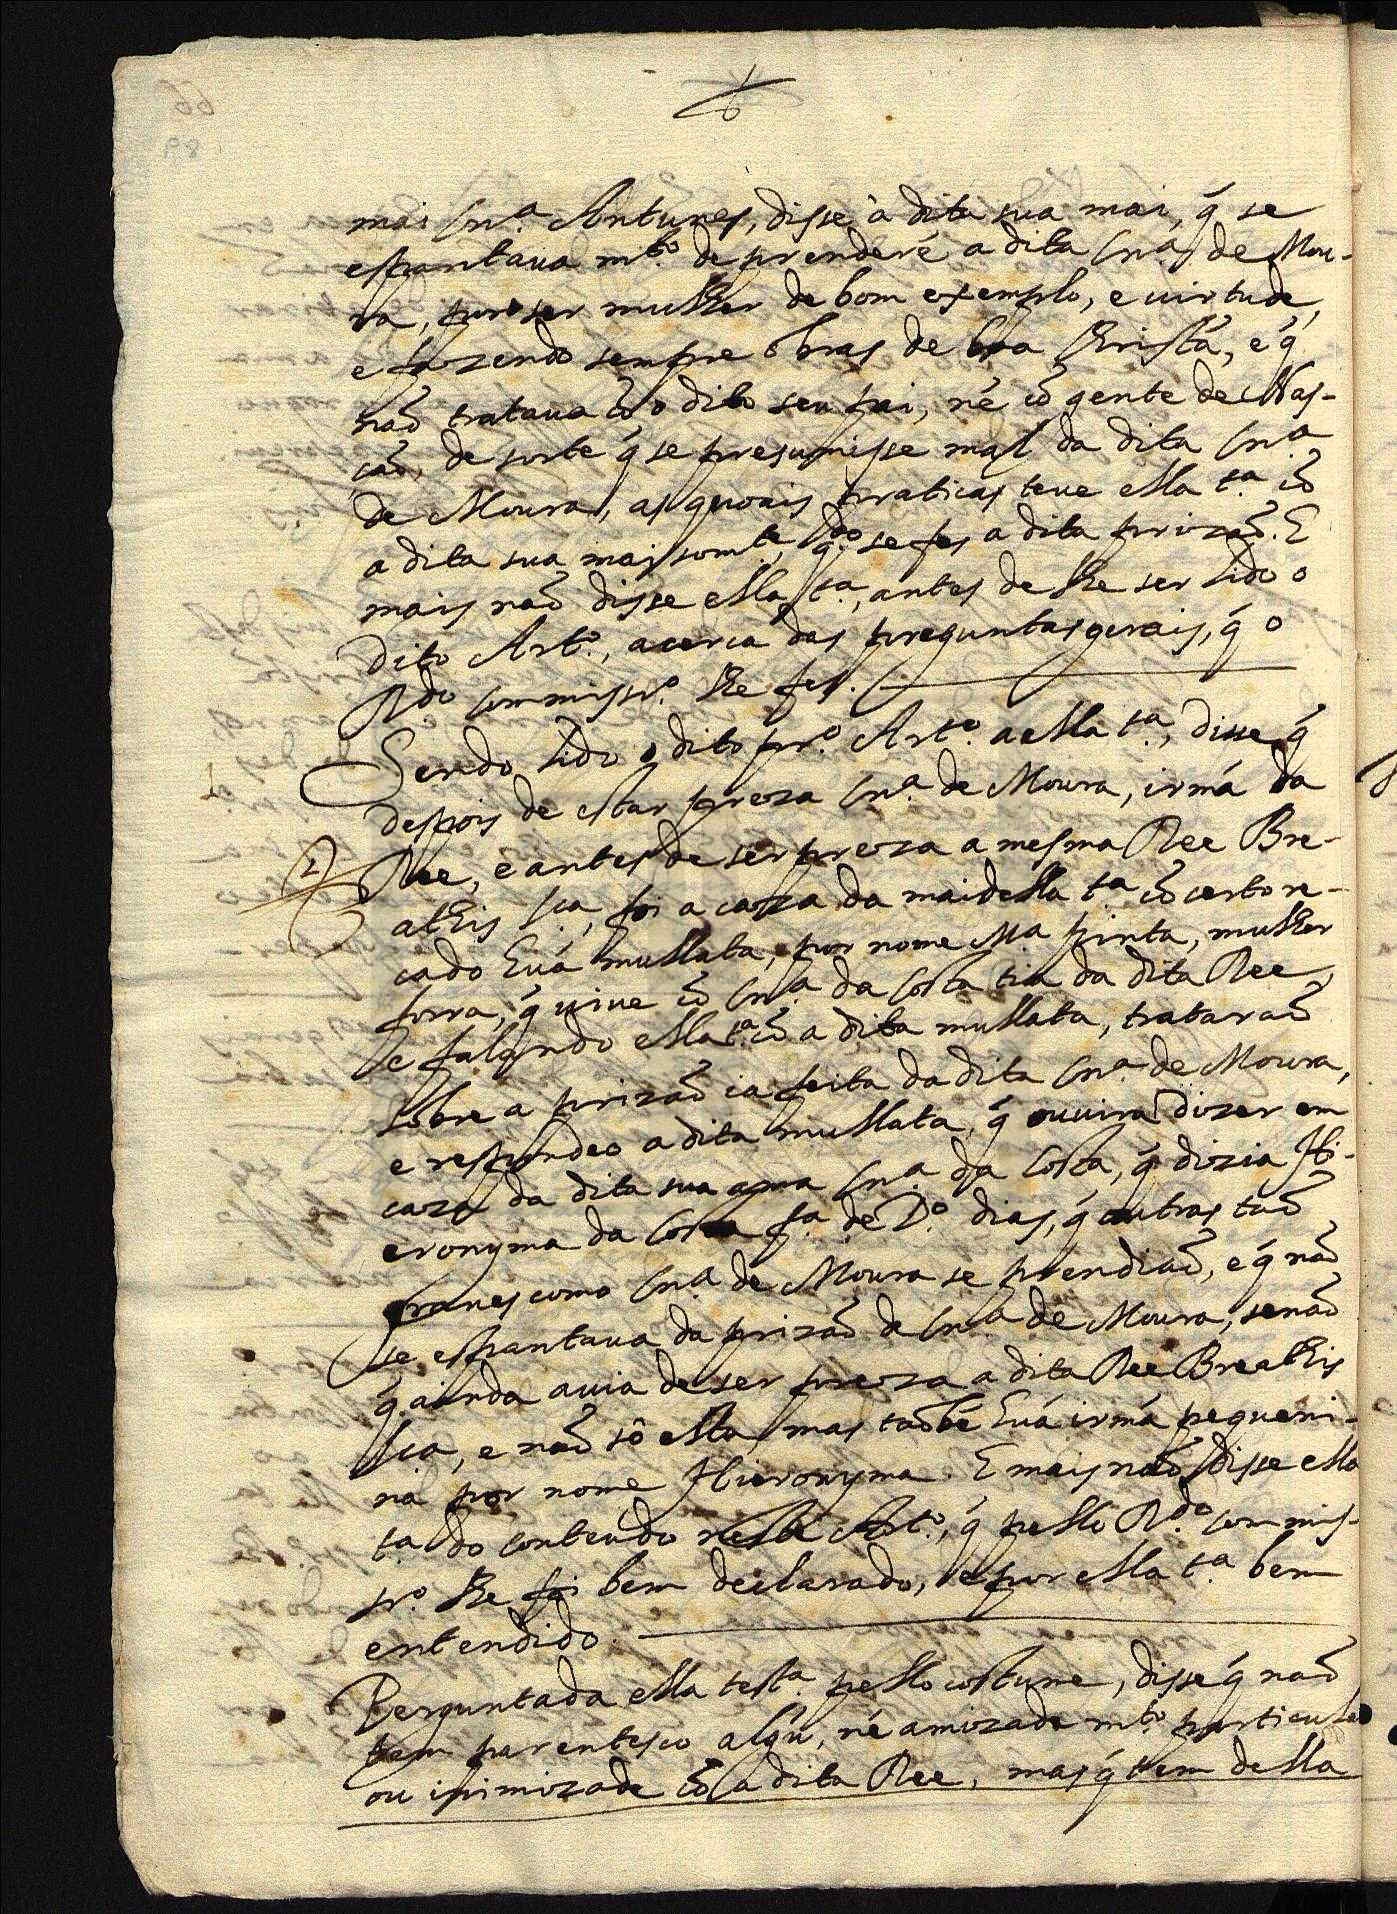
mais Cn.a Antunes, disse à dita sua mai, q̄ se
espantaua m.to de prenderē a dita Cn.a de Mou
ra, por ser mulher de bom exemplo, e uirtude,
e fazendo sempre obras de boa Christã, e q̄
naõ trataua cō o dito seu pai, nē cō gente de Nas
çaõ, de sorte q̄ se presumisse mal da dita Cn.a
de Moura, as quoais praticas teue ella t.a cō
a dita sua mai som.te, q.do se fes a dita prizaõ. E
mais naõ disse ella t.a, antes de lhe ser lido o
dito Ant.o, acerca das preguntas gerais, q̄ o
R.do commissr.o lhe fes.
Sendo lido o dito pr.o Art.o a ella t.a, disse q̄
despois de estar preza Cn.a de Moura, irmã da
Ree, e antes de ser preza a mesma Ree Bre
atris L.ca, foi a caza da mai della t.a cō certo re
cado huā mullata, por nome M.a pinta, mulher
forra, q̄ vive cō Cn.a da Costa tia da dita Ree
e falando ella ta cō a dita mullata, trataraõ
sobre a prizaõ ia feita da dita Cn.a de Moura,
e respondeo a dita mullata, q̄ ouuira dizer em
caza da dita sua ama Cn.a da Costa, q̄ dizia Hi
reonyma da Costa f.a de D.o dias, q̄ outras taõ
graues como Cn.a de Moura se prendiaõ, e q̄ naõ
se espantaua da prizaõ de Cn.a de Moura, senaõ
q̄ ainda auia de ser preza a dita Ree Breathis
Lca, e naõ sô esta mas taõbē huā irmã pequeni
na por nome Hieronyma E mais naõ disse ella
ta do conteudo neste Art.o, q̄ pello R.do commis
sro lhe foi bem declarado, e por ella t.a bem
entendido
Perguntada ella test.a pello costume, disse q̄ naõ
tem parentesco algū, nē amizade m.to particula
ou inimizade cō a dita Ree, mas q̄ tem della
